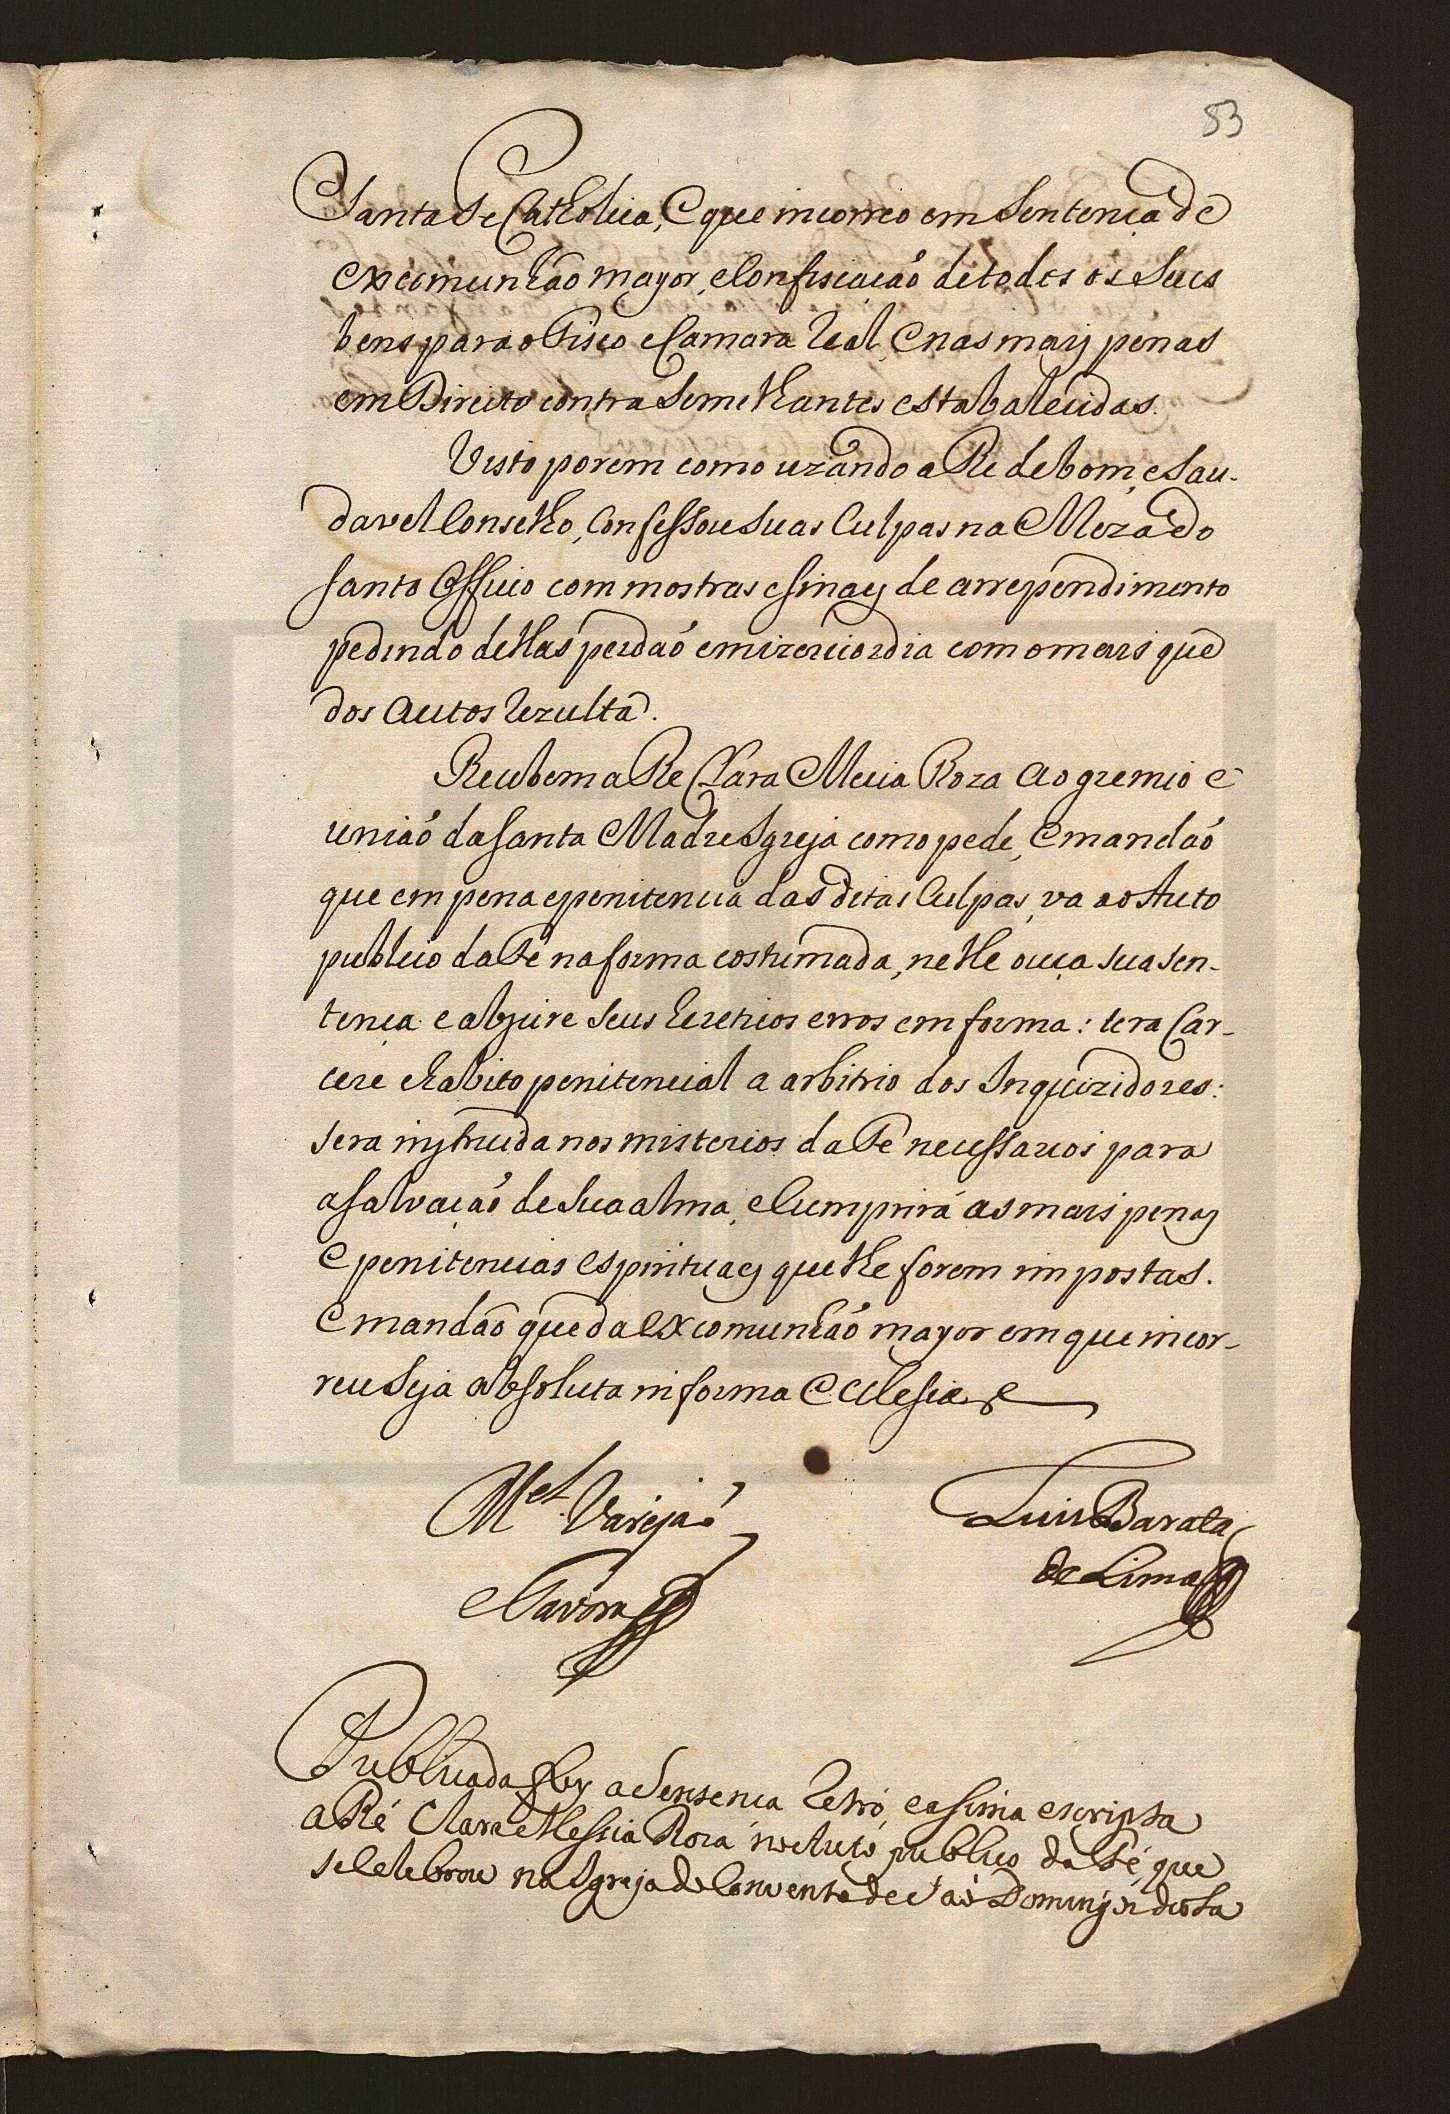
Santa Fe Catholica, e que incorreo em Sentença de
excomunhão mayor, e Confiscaçaõ de todos os Seus
bens para o Fisco e Camara Real, e nas mais penas
em Direito contra Semelhantes estabalecidas.
Visto porem como uzando a Re de bom, e Sau
davel Conselho, Confessou Suas Culpas na Meza do
santo Officio com mostras e sinaes de arrependimento
pedindo dellas perdaõ e mizericordia com o mais que
dos autos Rezulta.
Recebem a Re CLara Mecia Roza ao gremio, e
uniaõ da santa Madre Igreja como pede, e mandaõ
que em pena e penitencia das ditas Culpas, va ao Auto
publico da Fe na forma costumada, nelle ouça sua sen
tença, e abjure seus hereticos erros em forma: tera Car
cere e habito penitencial a arbitrio dos Inquizidores:
sera instruida nos misterios da Fé necessarios para
a salvaçaõ de sua alma, e Cumprirá as mais penas
e penitencias espirituaes que lhe forem impostas.
e mandão que da excomunhaõ mayor em que incor
reu Seja absoluta in forma ecclesiæ
Publicada foy a Sentença Retro, e asima escripta
a Ré Clara Messia Roza no Auto publico da Fé, que
se Celebrou na Igreja do Convento de Saõ Domingoz desta
